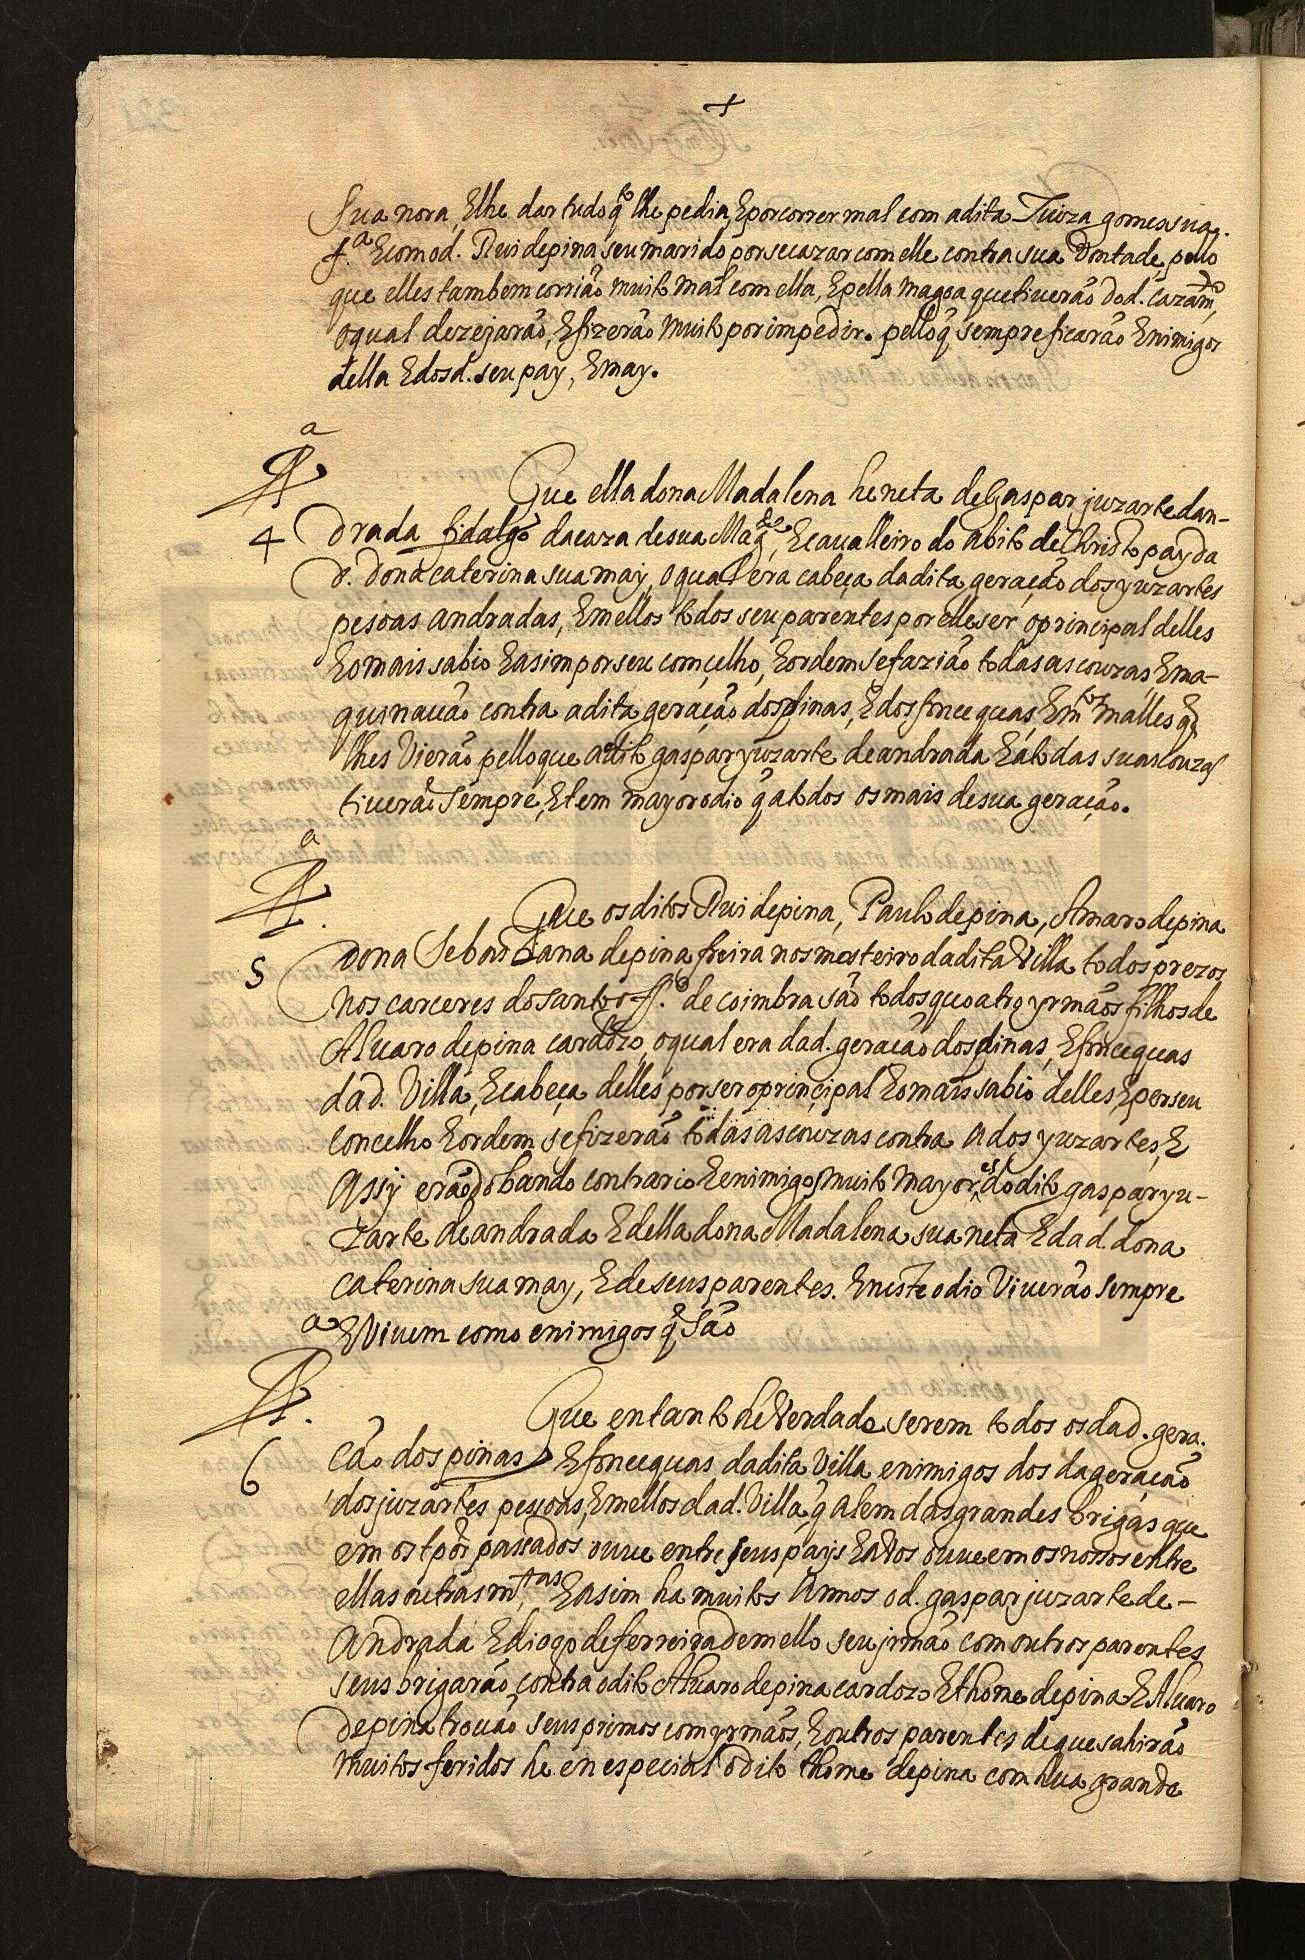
Sua nora, E lhe dar tudo qto lhe pedia, E por correr mal com a dita Luiza gomes sua
f.a E com o d. Rui de pina seu marido por se cazar com elle contra sua Vontade, pello
que elles tambem corrião muito mal com ella, E pella magoa que tiuerão do d. cazam.to
o qual dezajarão, E fizerão muito por impedir, pelo q̄ sempre ficarão Enimigos
della E dos d. seu pay, E may.
Pa Que ella dona Madalena he neta de Gaspar juzarte dan
4 drada fidalgo da caza de sua Magde, E caualleiro do abito de Christo pay da
d. dona caterina sua may, o qual era cabeça da dita geração dos yuzartes
pesoas andradas, E mellos todos seu parentes por elle ser o principal delles
E o mais sabio E asim por seu comcelho, E ordem se fazião todas as couzas E ma
quinauão contra a dita geração dos pinas, E dos foncequas, E mtos malles q̄
lhes Vierão pello que a dito gaspar yuzarte de andrada E a todas sua couzas
tiuerão sempre, E tem mayor odio q̄ a todos os mais de sua geração.
Pa
Que os ditos Rui de pina, Paulo de pina, Amaro de pina
5 dona Sebastiana de pina freira nos mosteiro da dita Villa todos prezos
nos carceres do santo off.o de coimbra são todos quoatro yrmãos filhos de
Aluaro de pina cardozo, o qual era da d. geração dos pinas, E foncequas
da d. Villa, E cabeça delles por ser o principal E o mais sabio delles, E per seu
concelho E ordem se fizerão todas as couzas contra a dos yuzartes, E
assy erão do bando contrario E enimigos muito mayores do dito gaspar yu
zarte de andrada E della dona Madalena sua neta E da d. dona
caterina sua may, E de seus parentes E neste odio Viuerão sempre
E Viuem como enimigos q̄ são
Pa
Que entanto he Verdade serem todos os da d. gera
6 ção dos pinas E foncequas da dita villa enimigos dos da geração
dos juzartes pessoas, E mellos da d. Villa, q̄ alem das grandes brigas que
em os tpōs passados ouue entre seus pays E avos ouue em os nossos entre
ellas outras mtas, E asim ha muitos annos o d. gaspar juzarte de
Andrada E diogo de ferreira de mello seu jrmão com outros parentes
seus brigarão contra o dito Aluaro de pina cardozo E thome de pina E Aluaro
de pina trouão seus primos com yrmãos, E outros parentes de que sahirão
muitos feridos he en especial o dito thome de pina com hua grande
